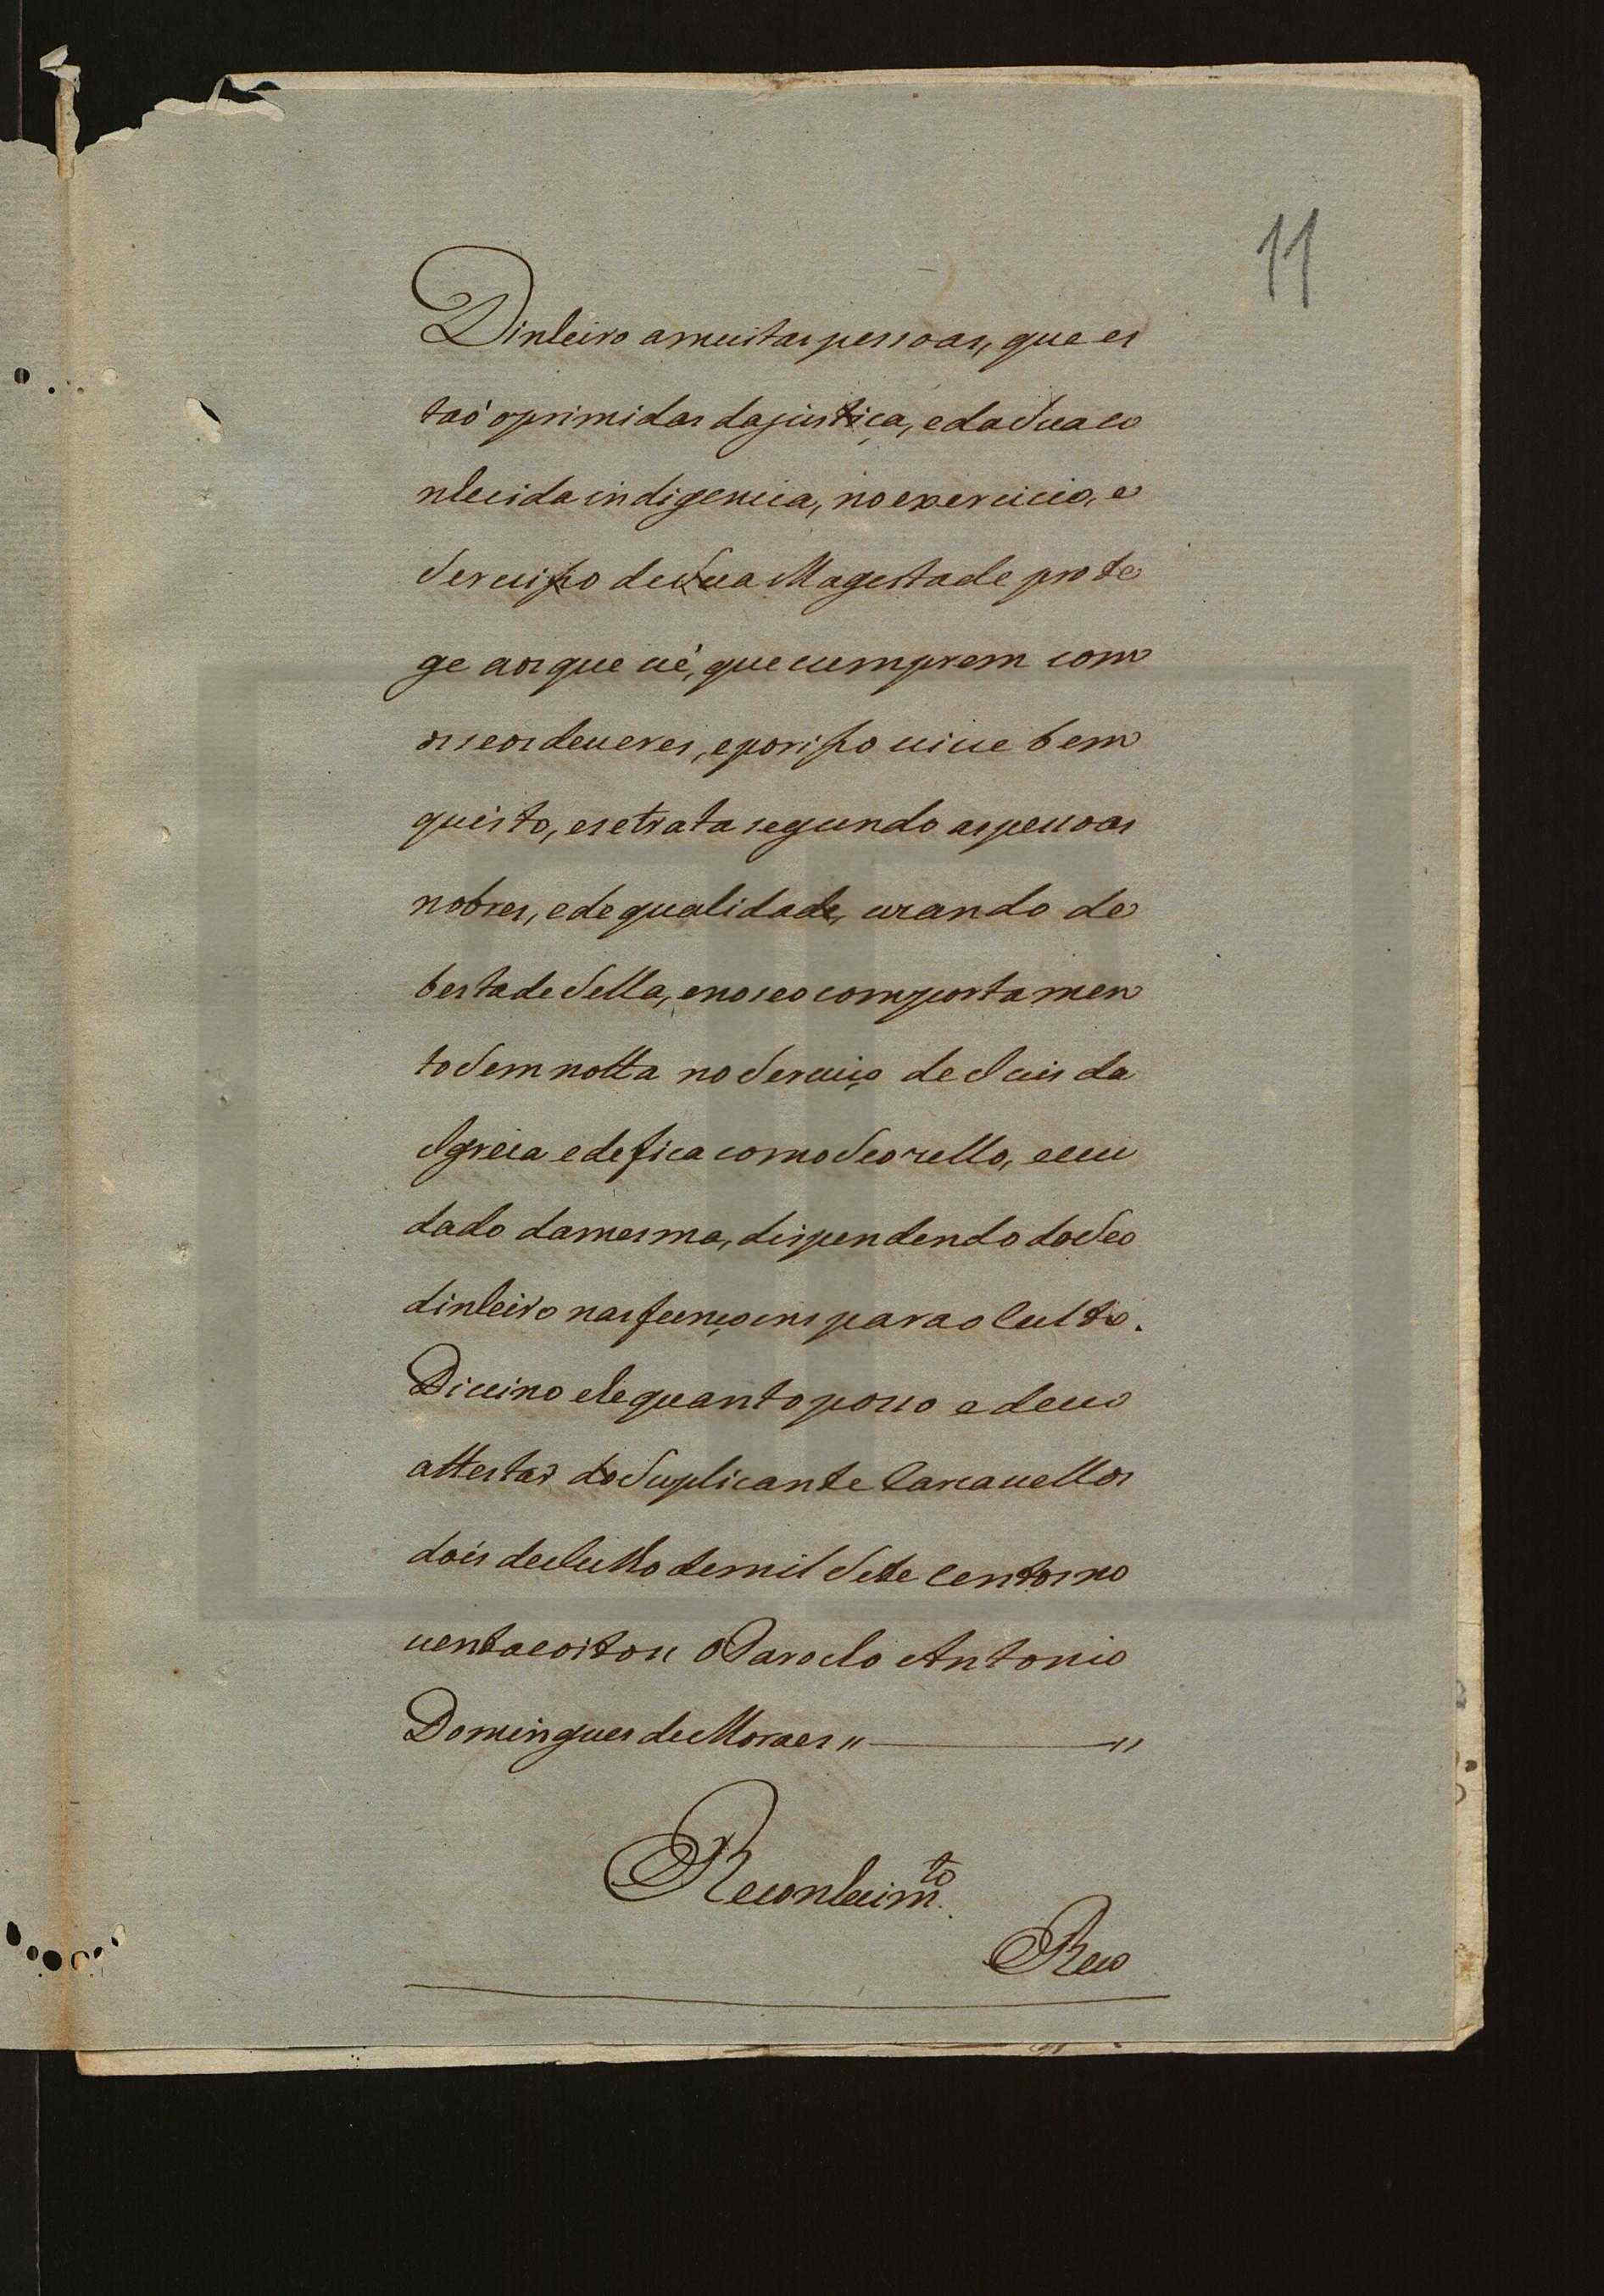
Dinheiro a muitas pessoas, que es
taõ oprimidas da justiça, e da sua co
nhecida indigencia, no exercicio, e
seruisso de Sua Magestade prote
ge aos que ué, que cumprem com
os seos deueres, e por isso uiue bem
quisto, e se trata segundo as pessoas
nobres, e de qualidade, uzando de
besta de Sella, e no seo comportamen
to sem notta no Seruiço de Iuis da
Igreia edefica com o seo zello, e cui
dado da mesma dispendendo do seo
dinheiro nas funçoens para o Culto
Diuino e he quanto posso e deuo
attestar do suplicante Carvauellos
dois de Iulho de mil setecentos no
uenta e oito // o Parocho Antonio
Domingues de Moraes //
Reconhecim.to
Reco
